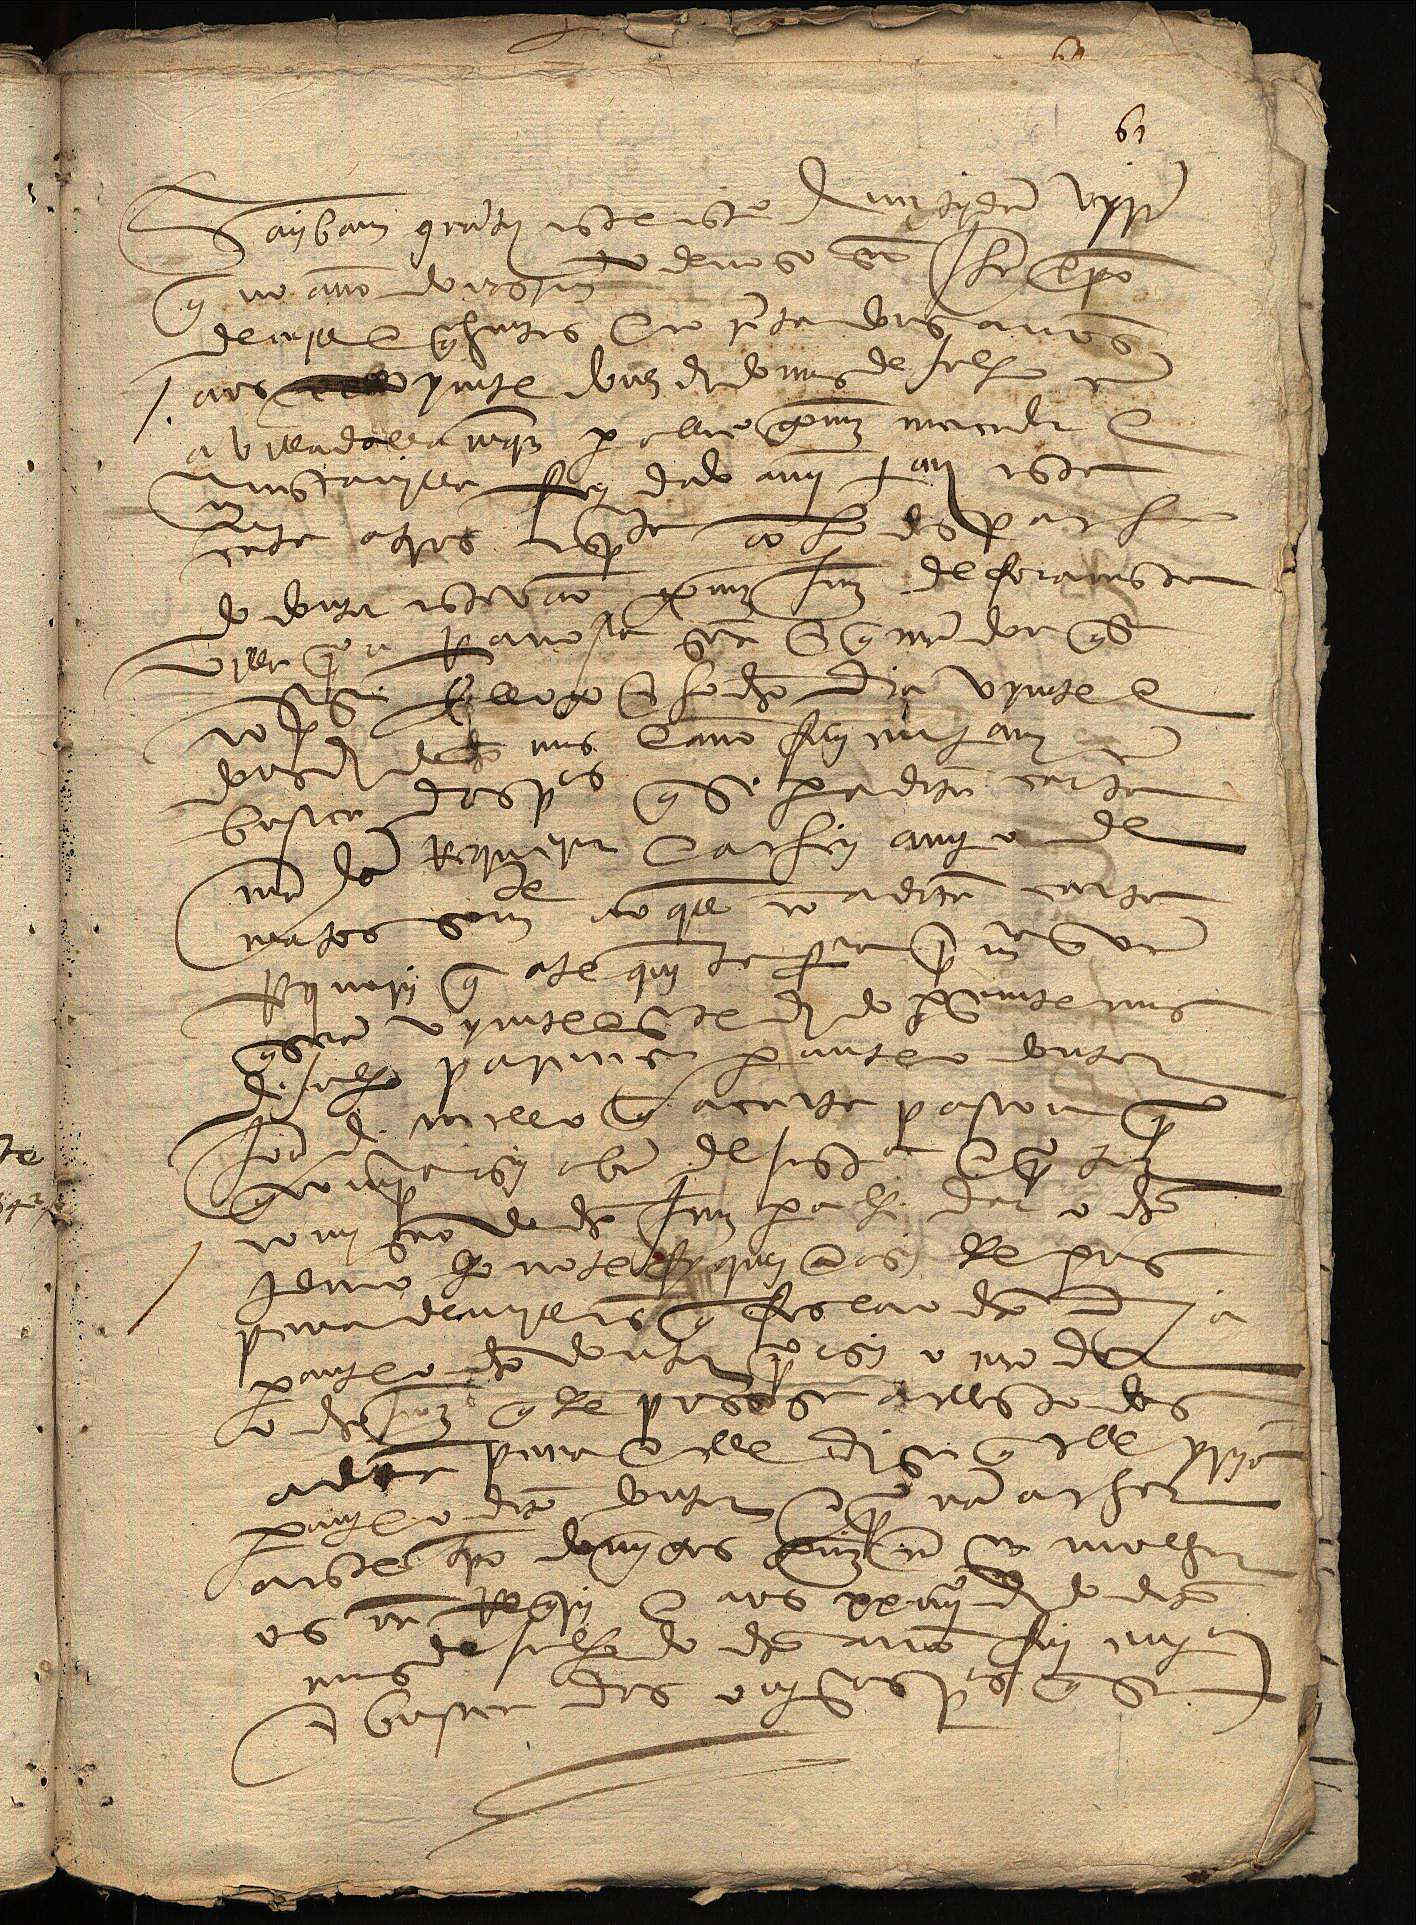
61
Saybam quātꝯ este esto de certydā vyrē
q̄ no āno do nasjmto de noso s̄or Jhū x̄po
de mjll e q̄nhentos e corēta dous anōs
aos vymte dous di do mes de Julho ē
a villa dallamq̄r ꝑ alluo gomez mercador e
mor nesta ujlla foy dado a mj̄ tam esta
cāta atras esp̄ta c̄o ho despacho
do doutor estevão gomez Juiz de fora nesta
villa p̄o a Ra nossa sr̄a ē q̄ mādou q̄ se
cōp̄se E llogo ē ho dto dia vymte e
dous di do dt̄o mes e ano fuy eu tam ē
busca das pas q̄ se ꝑ a dita carta
mādā Requerer e achey amto de
matos somte ao q̄ll c̄o a dita carta
Requery q̄ ate quj̄ta fra p̄mra q̄ vē
q̄ serā vymte e sete dj do ꝑsemte mes
de Julho parecese ꝑante o doutor
Joā de mello q̄ a carta passou p̄o
q̄ comp̄a asy a bē de Justa e p̄o ter
comjsão do dto Juiz ꝑa lhe dar o dto
termo ho notefyquej e asy lhe pus
pena de mjll r̄s q̄ fose ao dtō dja
ꝑante o dto doutor p̄o asy o mādar
to dto Juiz q̄ lhe posese a elles todos
a dta pena e elle djse q̄ elle yrya
ꝑante o dito doutor e p̄o nā achar
a este tp̄o domj̄gos gomez nē sua molher
os nā Req̄ry e aos xxiiijo di do dito
mes de Julho do dtō anō fuy eu tam
ē busca das outras pas q̄ se
